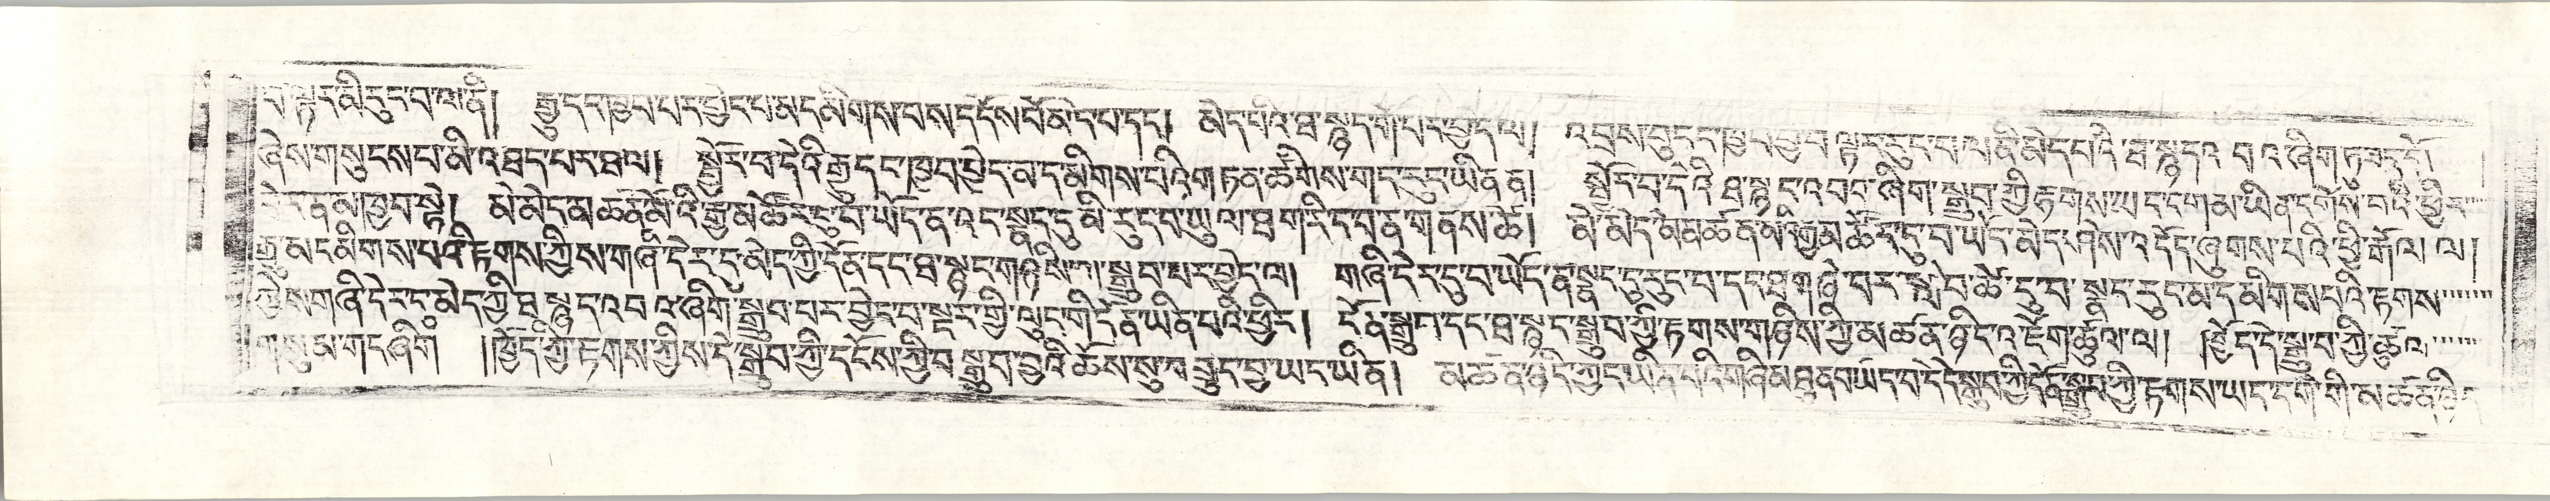བལྟར་མི་རུང་བ་ལ་ནི། རྒྱུ་དང་ཁྱབ་པར་བྱེད་པ་མ་དམིགས་པས་དངོས་པོ་མེད་པ་དང་། མེད་པའི་ཐ་སྙད་གོ་བར་བྱེད་ལ། འབྲས་བུ་དང་ཁྱབ་བྱ་བལྟར་རུང་བ་ལ་ནི་མེད་པའི་ཐ་སྙད་འབའ་ཞིག་ཏུ་ཟད་དོ། །
ཞེས་གསུངས་པ་མི་འཐད་པར་ཐལ། སྦྱོར་བ་དེའི་རྒྱུ་དང་ཁྱབ་བྱེད་མ་དམིགས་པའི་གཏན་ཚིགས་གང་རུང་ཡིན་ན། སྦྱོར་བ་དེའི་ཐ་སྙད་འབའ་ཞིག་སྒྲུབ་ཀྱི་རྟགས་ཡང་དག་མ་ཡིན་དགོས་པའི་ཕྱིར་
ཟེར་ན་ཁྱབ་སྟེ། མེ་མེད་མཚན་མོའི་རྒྱ་མཚོར་དུ་བ་ཡོད་ནའང་སྣང་དུ་མི་རུང་བ་ཡུལ་ཐག་རིང་བ་ན་གནས་ཚེ། མེ་མེད་མཚན་མོའི་རྒྱ་མཚོར་དུ་བ་ཡོད་མེད་ཤེས་འདོད་ཞུགས་པའི་ཕྱི་རྒོལ་ལ།
རྒྱུ་མ་དམིགས་པའི་རྟགས་ཀྱིས་གཞི་དེར་དུ་མེད་ཀྱི་དོན་དང་ཐ་སྙད་གཉིས་ཀ་སྒྲུབ་པར་བྱེད་ལ། གཞི་དེར་དུ་བ་ཡོད་ན་སྣང་དུ་རུང་བ་དང་ཐག་ཉེ་བར་སླེབ་ཚེ་དུ་བ་སྣང་རུང་མ་དམིགས་པའི་རྟགས་
ཀྱིས་གཞི་དེར་དུ་མེད་ཀྱི་ཐ་སྙད་འབའ་ཞིག་སྒྲུབ་པར་བྱེད་པ་སྔར་གྱི་ལུང་གི་དོན་ཡིན་པའི་ཕྱིར། དོན་སྒྲུབ་དང་ཐ་སྙད་སྒྲུབ་ཀྱི་རྟགས་གཉིས་ཀྱི་མཚན་ཉིད་འཇོག་ཚུལ་ལ། ཁྱོད་དེ་སྒྲུབ་ཀྱི་ཚུལ་
གསུམ་གང་ཞིག །ཁྱོད་ཀྱི་རྟགས་ཀྱིས་དེ་སྒྲུབ་ཀྱི་དངོས་ཀྱི་བསྒྲུབ་བྱའི་ཆོས་སུ་བཟུང་བྱ་ཡང་ཡིན། མཚན་ཉིད་ཀྱང་ཡིན་པའི་གཞི་མཐུན་པ་ཡོད་པ་དེ། དེ་སྒྲུབ་ཀྱི་དོན་སྒྲུབ་ཀྱི་རྟགས་ཡང་དག་གི་མཚན་ཉིད་